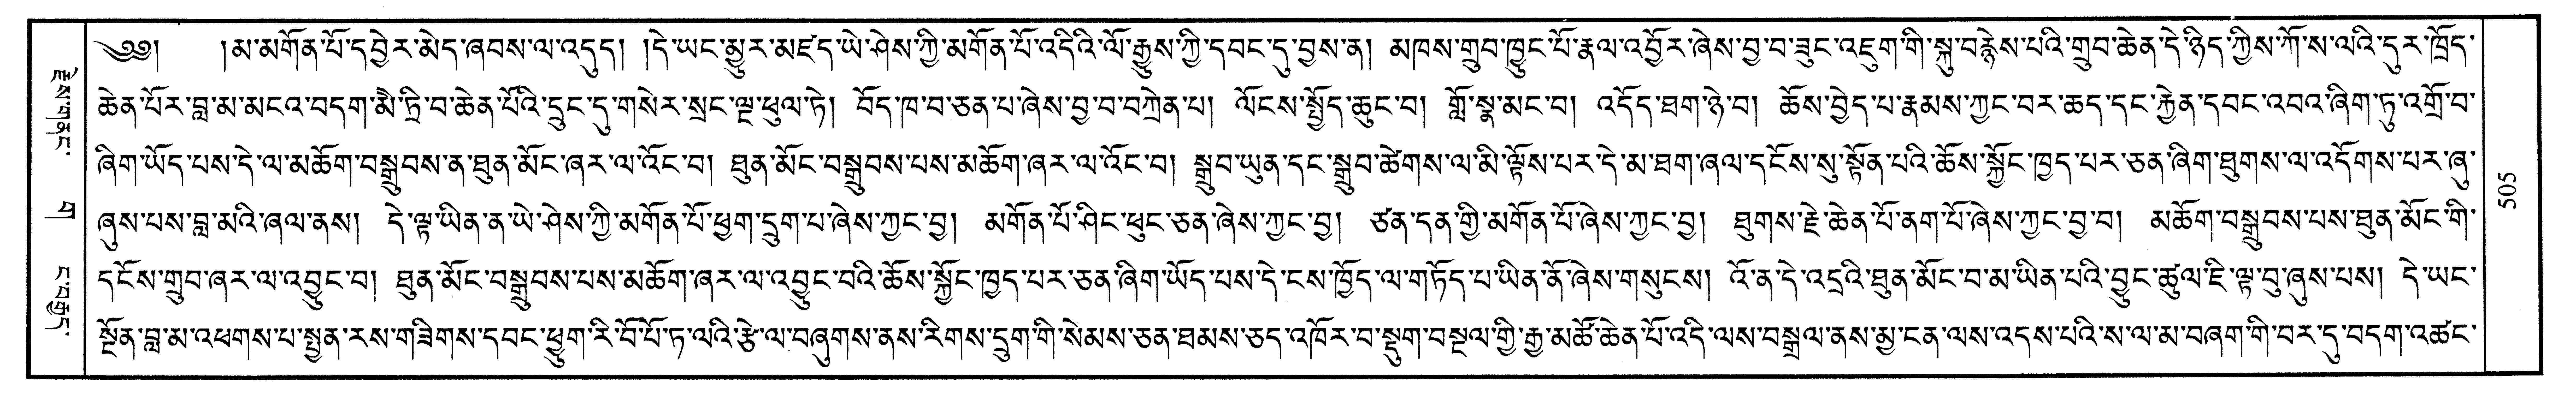༄༅། །མ་མགོན་པོ་དབྱེར་མེད་ཞབས་ལ་འདུད། །དེ་ཡང་མྱུར་མཛད་ཡེ་ཤེས་ཀྱི་མགོན་པོ་འདིའི་ལོ་རྒྱུས་ཀྱི་དབང་དུ་བྱས་ན། མཁས་གྲུབ་ཁྱུང་པོ་རྣལ་འབྱོར་ཞེས་བྱ་བ་ཟུང་འཇུག་གི་སྐུ་བརྙེས་པའི་གྲུབ་ཆེན་དེ་ཉིད་ཀྱིས་ཀོ་ས་ལའི་དུར་ཁྲོད་
ཆེན་པོར་བླ་མ་མངའ་བདག་མཻ་ཏྲི་བ་ཆེན་པོའི་དྲུང་དུ་གསེར་སྲང་ལྔ་ཕུལ་ཏེ། བོད་ཁ་བ་ཅན་པ་ཞེས་བྱ་བ་བཀྲེན་པ། ལོངས་སྤྱོད་ཆུང་བ། གློ་སྣ་མང་བ། འདོད་ཐག་ཉེ་བ། ཆོས་བྱེད་པ་རྣམས་ཀྱང་བར་ཆད་དང་རྐྱེན་དབང་འབའ་ཞིག་ཏུ་འགྲོ་བ་
ཞིག་ཡོད་པས་དེ་ལ་མཆོག་བསྒྲུབས་ན་ཐུན་མོང་ཞར་ལ་འོང་བ། ཐུན་མོང་བསྒྲུབས་པས་མཆོག་ཞར་ལ་འོང་བ། སྒྲུབ་ཡུན་དང་སྒྲུབ་ཚེགས་ལ་མི་ལྟོས་པར་དེ་མ་ཐག་ཞལ་དངོས་སུ་སྟོན་པའི་ཆོས་སྐྱོང་ཁྱད་པར་ཅན་ཞིག་ཐུགས་ལ་འདོགས་པར་ཞུ་
ཞུས་པས་བླ་མའི་ཞལ་ནས། དེ་ལྟ་ཡིན་ན་ཡེ་ཤེས་ཀྱི་མགོན་པོ་ཕྱག་དྲུག་པ་ཞེས་ཀྱང་བྱ། མགོན་པོ་ཤིང་ཕུང་ཅན་ཞེས་ཀྱང་བྱ། ཙན་དན་གྱི་མགོན་པོ་ཞེས་ཀྱང་བྱ། ཐུགས་རྗེ་ཆེན་པོ་ནག་པོ་ཞེས་ཀྱང་བྱ་བ། མཆོག་བསྒྲུབས་པས་ཐུན་མོང་གི་
དངོས་གྲུབ་ཞར་ལ་འབྱུང་བ། ཐུན་མོང་བསྒྲུབས་པས་མཆོག་ཞར་ལ་འབྱུང་བའི་ཆོས་སྐྱོང་ཁྱད་པར་ཅན་ཞིག་ཡོད་པས་དེ་ངས་ཁྱོད་ལ་གཏོད་པ་ཡིན་ནོ་ཞེས་གསུངས། འོ་ན་དེ་འདྲའི་ཐུན་མོང་བ་མ་ཡིན་པའི་བྱུང་ཚུལ་ཇི་ལྟ་བུ་ཞུས་པས། དེ་ཡང་
སྔོན་བླ་མ་འཕགས་པ་སྤྱན་རས་གཟིགས་དབང་ཕྱུག་རི་བོ་པོ་ཏ་ལའི་རྩེ་ལ་བཞུགས་ནས་རིགས་དྲུག་གི་སེམས་ཅན་ཐམས་ཅད་འཁོར་བ་སྡུག་བསྔལ་གྱི་རྒྱ་མཚོ་ཆེན་པོ་འདི་ལས་བསྒྲལ་ནས་མྱ་ངན་ལས་འདས་པའི་ས་ལ་མ་བཞག་གི་བར་དུ་བདག་འཚང་